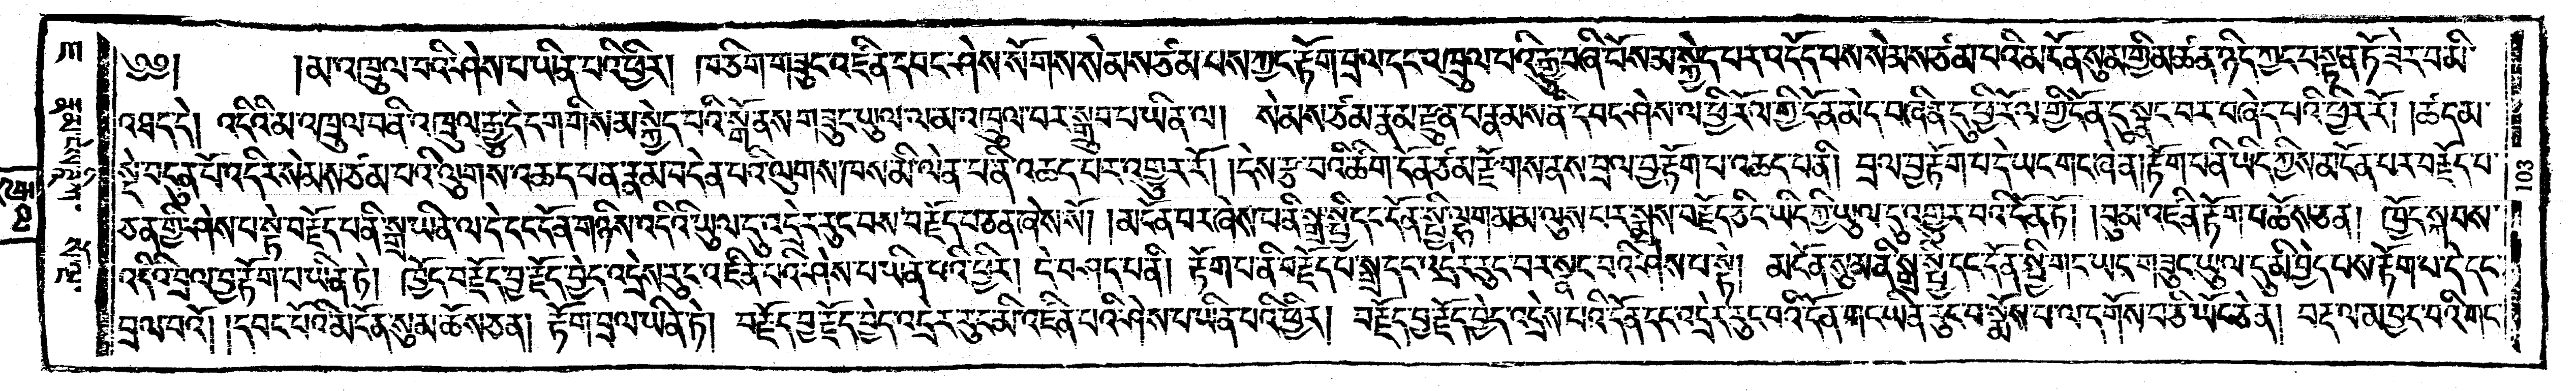༄༅། །མ་འཁྲུལ་བའི་ཤེས་པ་ཡིན་པའི་ཕྱིར། ཁ་ཅིག་གཟུང་འཛིན་དབང་ཤེས་སོགས་སེམས་ཙམ་པས་ཀྱང་རྟོག་བྲལ་དང་འཁྲུལ་བའི་རྒྱུ་བཞི་པོས་མ་སྐྱེད་པར་འདོད་པས་སེམས་ཙམ་པའི་མངོན་སུམ་གྱི་མཚན་ཉིད་ཀྱང་བསྟན་ཏོ་ཟེར་བ་མི་
འཐད་དེ། འདིའི་མ་འཁྲུལ་བ་ནི་འཁྲུལ་རྒྱུ་དེ་དག་གིས་མ་སྐྱེད་པའི་སྒོ་ནས་གཟུང་ཡུལ་ལ་མ་འཁྲུལ་བར་སྒྲུབ་པ་ཡིན་ལ། སེམས་ཙམ་རྣམ་རྫུན་པ་རྣམས་ནི་དབང་ཤེས་ལ་ཕྱི་རོལ་གྱི་དོན་མེད་བཞིན་དུ་ཕྱི་རོལ་གྱི་དོན་དུ་སྣང་བར་བཞེད་པའི་ཕྱིར་རོ། །ཚད་མ་
སྡེ་བདུན་པོ་འདིར་སེམས་ཙམ་པའི་ལུགས་འཆད་པ་ན་རྣམ་བདེན་པའི་ལུགས་ཁས་མི་ལེན་པ་ནི་འཆད་པར་འགྱུར་རོ། །དེས་རྩ་བའི་ཚིག་དོན་ཙམ་རྫོགས་ནས་བྲལ་བྱ་རྟོག་པ་འཆད་པ་ནི། བྲལ་བྱ་རྟོག་པ་དེ་ཡང་གང་ཞེ་ན། རྟོག་པ་ནི་ཡིད་ཀྱིས་མངོན་པར་བརྗོད་པ་
ཅན་གྱི་ཤེས་པ་སྟེ་བརྗོད་པ་ནི་སྒྲ་ཡིན་ལ་དེ་དང་དོན་གཉིས་འདིའི་ཡུལ་དུ་འདྲེར་རུང་བས་བརྗོད་པ་ཅན་ཞེས་སོ། །མངོན་པར་ཞེས་པ་ནི་སྒྲ་སྤྱི་དང་དོན་སྤྱི་ལྷག་མ་མ་ལུས་པར་སྨྲས་བརྗོད་ཅིང་ཡིད་ཀྱི་ཡུལ་དུ་འགྱུར་བའི་དོན་ཏོ། །བུམ་འཛིན་རྟོག་པ་ཆོས་ཅན། ཁྱོད་སྐབས་
འདིའི་བྲལ་བྱ་རྟོག་པ་ཡིན་ཏེ། ཁྱོད་བརྗོད་བྱ་རྗོད་བྱེད་འདྲེས་རུང་འཛིན་པའི་ཤེས་པ་ཡིན་པའི་ཕྱིར། དེ་བཤད་པ་ནི། རྟོག་པ་ནི་བརྗོད་པ་སྒྲ་དང་འདྲེར་རུང་བར་སྣང་བའི་ཤེས་པ་སྟེ། མངོན་སུམ་ནི་སྒྲ་སྤྱི་དང་དོན་སྤྱི་གང་ཡང་གཟུང་ཡུལ་དུ་མི་བྱེད་པས་རྟོག་པ་དེ་དང་
བྲལ་བའོ། །དབང་པོའི་མངོན་སུམ་ཆོས་ཅན། རྟོག་བྲལ་ཡིན་ཏེ། བརྗོད་བྱ་རྗོད་བྱེད་འདྲེར་རུང་མི་འཛིན་པའི་ཤེས་པ་ཡིན་པའི་ཕྱིར། བརྗོད་བྱ་རྗོད་བྱེད་འདྲེས་པའི་དོན་དང་འདྲེར་རུང་བའི་དོན་གང་ཡིན་རུང་བ་སྨོས་པ་ལ་དགོས་པ་ཅི་ཡོད་ཅེ་ན། བརྡ་ལམ་བྱང་བའི་གང་